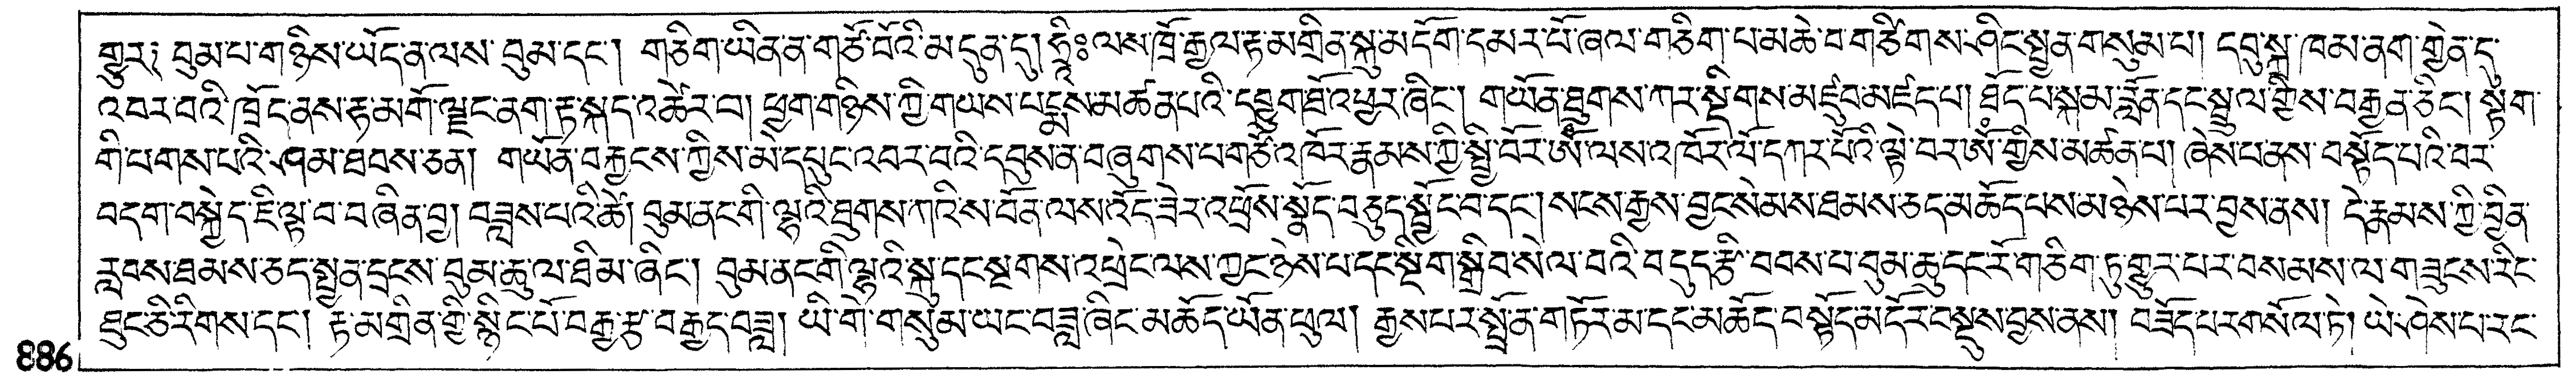གྱུར༑ བུམ་པ་གཉིས་ཡོད་ན་ལས་བུམ་དང་། གཅིག་ཡིན་ན་གཙོ་བོའི་མདུན་དུ། ཧྲཱིཿ ལས་ཁྲོ་རྒྱལ་རྟ་མགྲིན་སྐུ་མདོག་དམར་པོ་ཞལ་གཅིག་པ་མཆེ་བ་གཙིགས་ཤིང་སྤྱན་གསུམ་པ། དབུ་སྐྲ་ཁམ་ནག་གྱེན་དུ་
འབར་བའི་ཁྲོད་ནས་རྟ་མགོ་ལྗང་ནག་རྟ་སྐད་འཚེར་བ། ཕྱག་གཉིས་ཀྱི་གཡས་པདམས་མཚན་པའི་དབྱུག་ཐོ་འཕྱར་ཞིང་། གཡོན་ཐུགས་ཀར་སྡིགས་མཛུབ་མཛད་པ། ཐོད་པ་སྐམ་རློན་དང་སྦྲུལ་གྱིས་བརྒྱན་ཅིང་། སྟག་
གི་པགས་པའི་ཤམ་ཐབས་ཅན། གཡོན་བརྐྱངས་ཀྱིས་མེ་དཔུང་འབར་བའི་དབུས་ན་བཞུགས་པ་གཙོ་འཁོར་རྣམས་ཀྱི་སྤྱི་བོར་ཨོཾ་ལས་འཁོར་ལོ་དཀར་པོའི་ལྟེ་བར་ཨོཾ་གྱིས་མཚན་པ། ཞེས་པ་ནས་བསྟོད་པའི་བར་
བདག་བསྐྱེད་ཇི་ལྟ་བ་བཞིན་བྱ། བཟླས་པའི་ཚེ། བུམ་ནང་གི་ལྷའི་ཐུགས་ཀའི་ས་བོན་ལས་འོད་ཟེར་འཕྲོས་སྣོད་བཅུད་སྦྱོང་བ་དང་། སངས་རྒྱས་བྱང་སེམས་ཐམས་ཅད་མཆོད་པས་མཉེས་པར་བྱས་ནས། དེ་རྣམས་ཀྱི་བྱིན་
རླབས་ཐམས་ཅད་སྤྱན་དྲངས་བུམ་ཆུ་ལ་ཐིམ་ཞིང་། བུམ་ནང་གི་ལྷའི་སྐུ་དང་སྔགས་འཕྲེང་ལས་ཀྱང་ཉེས་པ་དང་སྡིག་སྒྲིབ་སེལ་བའི་བདུད་རྩི་བབས་པ་བུམ་ཆུ་དང་རོ་གཅིག་ཏུ་གྱུར་པར་བསམས་ལ་གཟུངས་རིང་
ཐུང་ཅི་རིགས་དང་། རྟ་མགྲིན་གྱི་སྙིང་པོ་བརྒྱ་རྩ་བརྒྱད་བཟླ། ཡི་གེ་གསུམ་ཡང་བཟླ་ཞིང་མཆོད་ཡོན་ཕུལ། རྒྱས་པར་སྤྲོ་ན་གཏོར་མ་དང་མཆོད་བསྟོད་མདོར་བསྡུས་བྱས་ནས། བཟོད་པར་གསོལ་ཏེ། ཡེ་ཤེས་པ་རང་